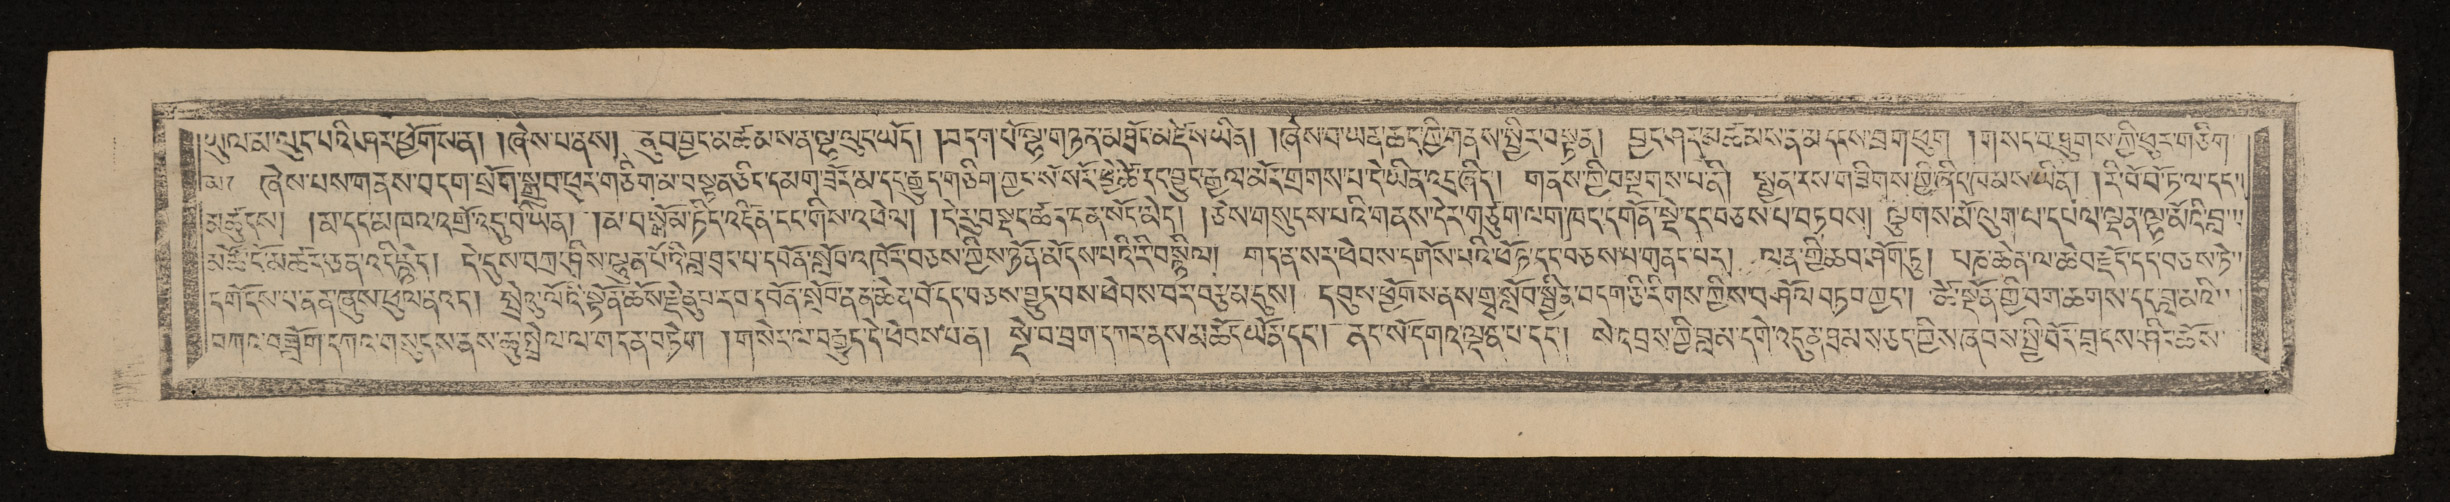ཡུལ་མ་ལུང་པའི་ཤར་ཕྱོགས་ན། །ཞེས་པ་ནས། ནུབ་བྱང་མཚམས་ན་ལྷ་ལུང་ཡོད། །བདག་པོ་ལྷ་གཉན་མཐོང་མཛེས་ཡིན། །ཞེས་པ་ཡན་ཆད་ཀྱི་གནས་སྤྱིར་བསྟན། བྱང་ཤར་མཚམས་ནམ་དངས་བྲག་ཕུག །གསང་བ་ཐུགས་ཀྱི་ཕུར་གཅིག་
མ༑ ཞེས་པས་གནས་བདག་སྲོག་སྒྲུབ་ཕུར་གཅིག་མ་བསྟན་ཅིང་དམག་ཟོར་མ་དང་རྒྱུད་གཅིག་ཀྱང་སོ་སོར་ཕྱེ་ཚེ་རང་བྱུང་རྒྱལ་མོར་གྲགས་པ་དེ་ཡིན་འདྲ་ཞིང་། གནས་ཀྱི་བསྔགས་པ་ནི། སྤྱན་རས་གཟིགས་ཀྱི་ཞིང་ཁམས་ཡིན། །རི་བོ་པོ་ཏ་ལ་དང་
མཚུངས། །མ་དང་མཁའ་འགྲོ་འདུ་བ་ཡིན། །མ་བསྒོམ་ཏིང་འཛིན་དང་གིས་འཕེལ། །དེ་རུ་བསྡང་ཚད་ངན་སོང་མེད། །ཅེས་གསུངས་པའི་གནས་དེར་གཙུག་ལག་ཁང་དགོན་སྡེ་དང་བཅས་པ་བཏབས། ལྕགས་མོ་ལུག་ལ་དཔལ་ལྡན་ལྷ་མོའི་བླ་
མཚོ་ངོ་མཚར་ཅན་འདི་རྙེད། དེ་དུས་བཀྲ་ཤིས་ལྷུན་པོའི་བླ་བྲང་པ་དཔོན་སློབ་འཁོར་བཅས་ཀྱིས་ཉོན་མོངས་པའི་རི་བསྙིལ། གདན་སར་ཕེབས་དགོས་པའི་ཕོ་ཉ་དང་བཅས་པ་གནང་པར། ལན་གྱི་ཆབ་ཤོག་ཏུ། པཎ་ཆེན་ལ་ཆེ་བརྗོད་དང་བཅས་ཏེ་
དགོངས་བ་ནན་ཞུས་ཕུལ་ནའང་། སྤྲེའུ་ལོའི་སྟོན་ཆོས་རྗེ་ནུབ་རབ་དཔོན་སློབ་ནན་ཆེན་པོ་དང་བཅས་བྱུང་བས་ཕེབས་པར་བརྩམ་དུས། དབུས་ཕྱོགས་ནས་གྲྭ་སློབ་སྦྱིན་བདག་ཅི་རིགས་ཀྱིས་བཤོལ་བཏབ་ཀྱང་། ཚེ་སྔོན་གྱི་བག་ཆགས་དང་བླ་མའི་
བཀའ་བཟློག་དཀའ་གསུངས་ནས་ཆུ་སྤྲེལ་ལ་གདན་བཏེག །གསེར་ལ་བརྒྱུད་དེ་ཕེབས་པ་ན། སྡེ་པ་བྲག་དཀར་ནས་མཆོད་ཡོན་དང་། ནང་སོ་དགའ་ལྡན་པ་དང་། སེ་འབྲས་ཀྱི་བླ་མ་དགེ་འདུན་ཐམས་ཅད་ཀྱིས་ཞབས་སྤྱི་བོར་བླངས་ཤིང་ཆོས་